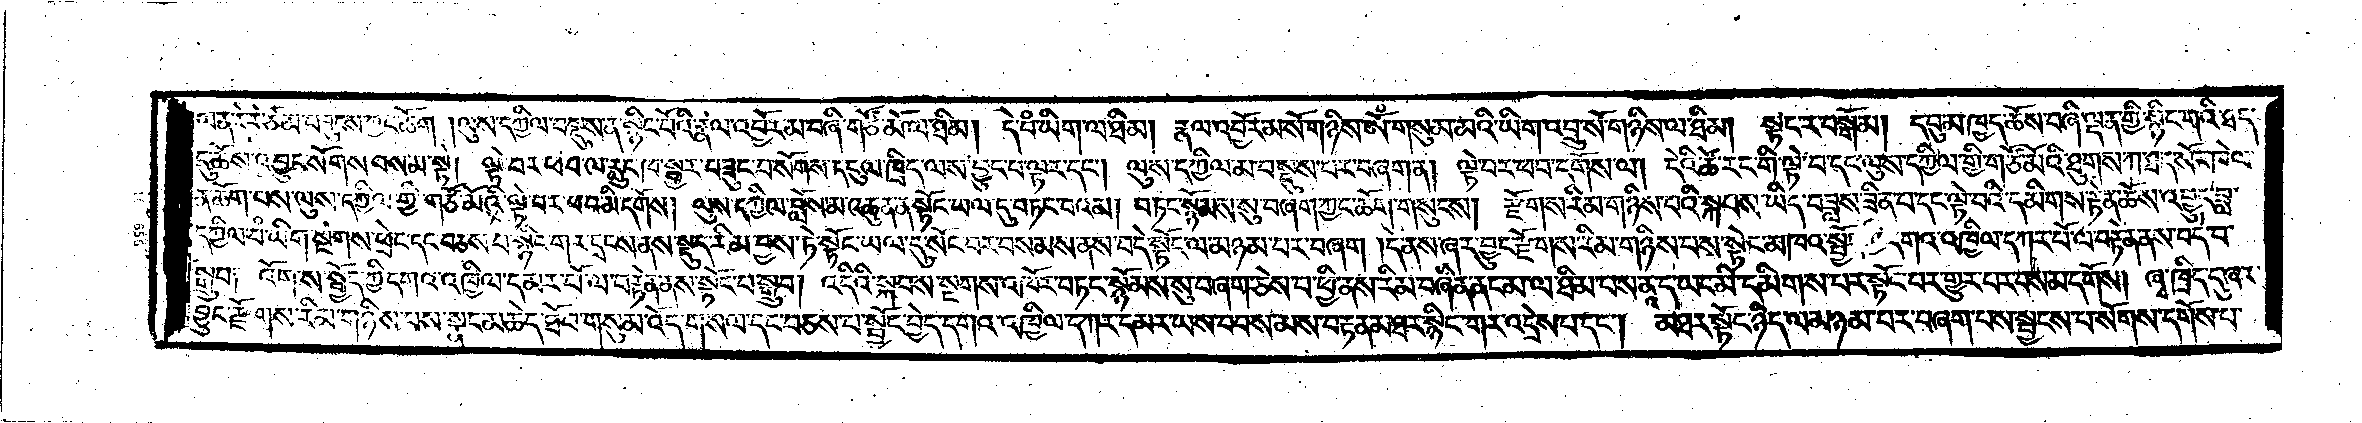ལན་རེ་རེ་ཙམ་བཟུངས་ཀྱང་ཆོག །ལུས་དཀྱིལ་བསྡུས་ན་སྙིང་པོའི་རྣལ་འབྱོར་མ་བཞི་གཙོ་མོ་ལ་ཐིམ། དེ་བཾ་ཡིག་ལ་ཐིམ། རྣལ་འབྱོར་མ་སོ་གཉིས་ཨོཾ་གསུམ་མའི་ཡིག་འབྲུ་སོ་གཉིས་ལ་ཐིམ། སྟོང་ར་བསྒོམ། དབུ་མ་ཁྱད་ཆོས་བཞི་ལྡན་གྱི་སྙིང་གའི་ཐད་
དུ་ཆོས་འབྱུང་སོགས་བསམ་སྟེ། ལྟེ་བར་ཕབ་ལ་རླུང་ཁ་སྦྱར་བཟུང་བ་སོགས་དངུལ་ཁྲིད་ལས་བྱུང་བ་ལྟར་དང་། ལུས་དཀྱིལ་མ་བསྡུས་པར་བཞག་ན། ལྟེ་བར་ཕབ་དགོས་ལ། དེའི་ཚེ་རང་གི་ལྟེ་བ་དང་ལུས་དཀྱིལ་གྱི་གཙོ་མོའི་ཐུགས་ཀ་ཐད་སོར་ཁེལ་
ན་ཆོག་པས་ལུས་དཀྱིལ་གྱི་གཙོ་མོའི་ལྟེ་བར་ཕབ་མི་དགོས། ལུས་དཀྱིལ་བློས་མ་འཆུན་ན་སྟོང་ཡལ་དུ་བཏང་བའམ། བཏང་སྙོམས་སུ་བཞག་ཀྱང་ཆོག་གསུངས། རྫོགས་རིམ་གཉིས་པའི་སྐབས་ཡིད་བཟླས་ཟིན་པ་དང་ལྟེ་བའི་དམིགས་རྟེན་ཆོས་འབྱུང་ཟླ་
དཀྱིལ་བཾ་ཡིག་སྔགས་ཕྲེང་དང་བཅས་པ་སྙིང་གར་དྲངས་ནས་སྡུད་རིམ་བྱས་ཏེ་སྟོང་ཡལ་དུ་སོང་བར་བསམས་ནས་བདེ་སྟོང་ལ་མཉམ་པར་བཞག །དེ་ནས་ཞར་བྱུང་རྫོགས་རིམ་གཉིས་པས་སྟེང་མཁའ་སྤྱོད་ཀྱི་དགའ་འཁྱིལ་དཀར་པོ་ལ་བརྟེན་ནས་བདེ་བ་
སྒྲུབ༑ འོག་ས་སྤྱོད་ཀྱི་དགའ་འཁྱིལ་དམར་པོ་ལ་བརྟེན་ནས་སྟོང་པ་སྒྲུབ། འདིའི་སྐབས་སྔགས་འཁོར་བཏང་སྙོམས་སུ་བཞག་ཅེས་པ་ཕྱི་ནས་རིམ་བཞིན་ནང་མ་ལ་ཐིམ་པས་ནཱ་ད་ཡང་མི་དམིགས་པར་སྟོང་པར་གྱུར་པར་བསམ་དགོས། ཞྭ་ཁྲིང་དུ་ཞར་
བྱུང་རྫོགས་རིམ་གཉིས་པས་སྣང་མཆེད་ཐོབ་གསུམ་འོད་གསལ་དང་བཅས་པ་སྤྱོད་བྱེད་དགའ་འཁྱིལ་དཀར་དམར་ཡས་བབས་མས་བརྟན་མཐར་སྙིང་གར་འདྲེས་པ་དང་། མཐར་སྟོང་ཉིད་ལ་མཉམ་པར་བཞག་པས་སྦྱངས་པ་སོགས་དགོས་པ་